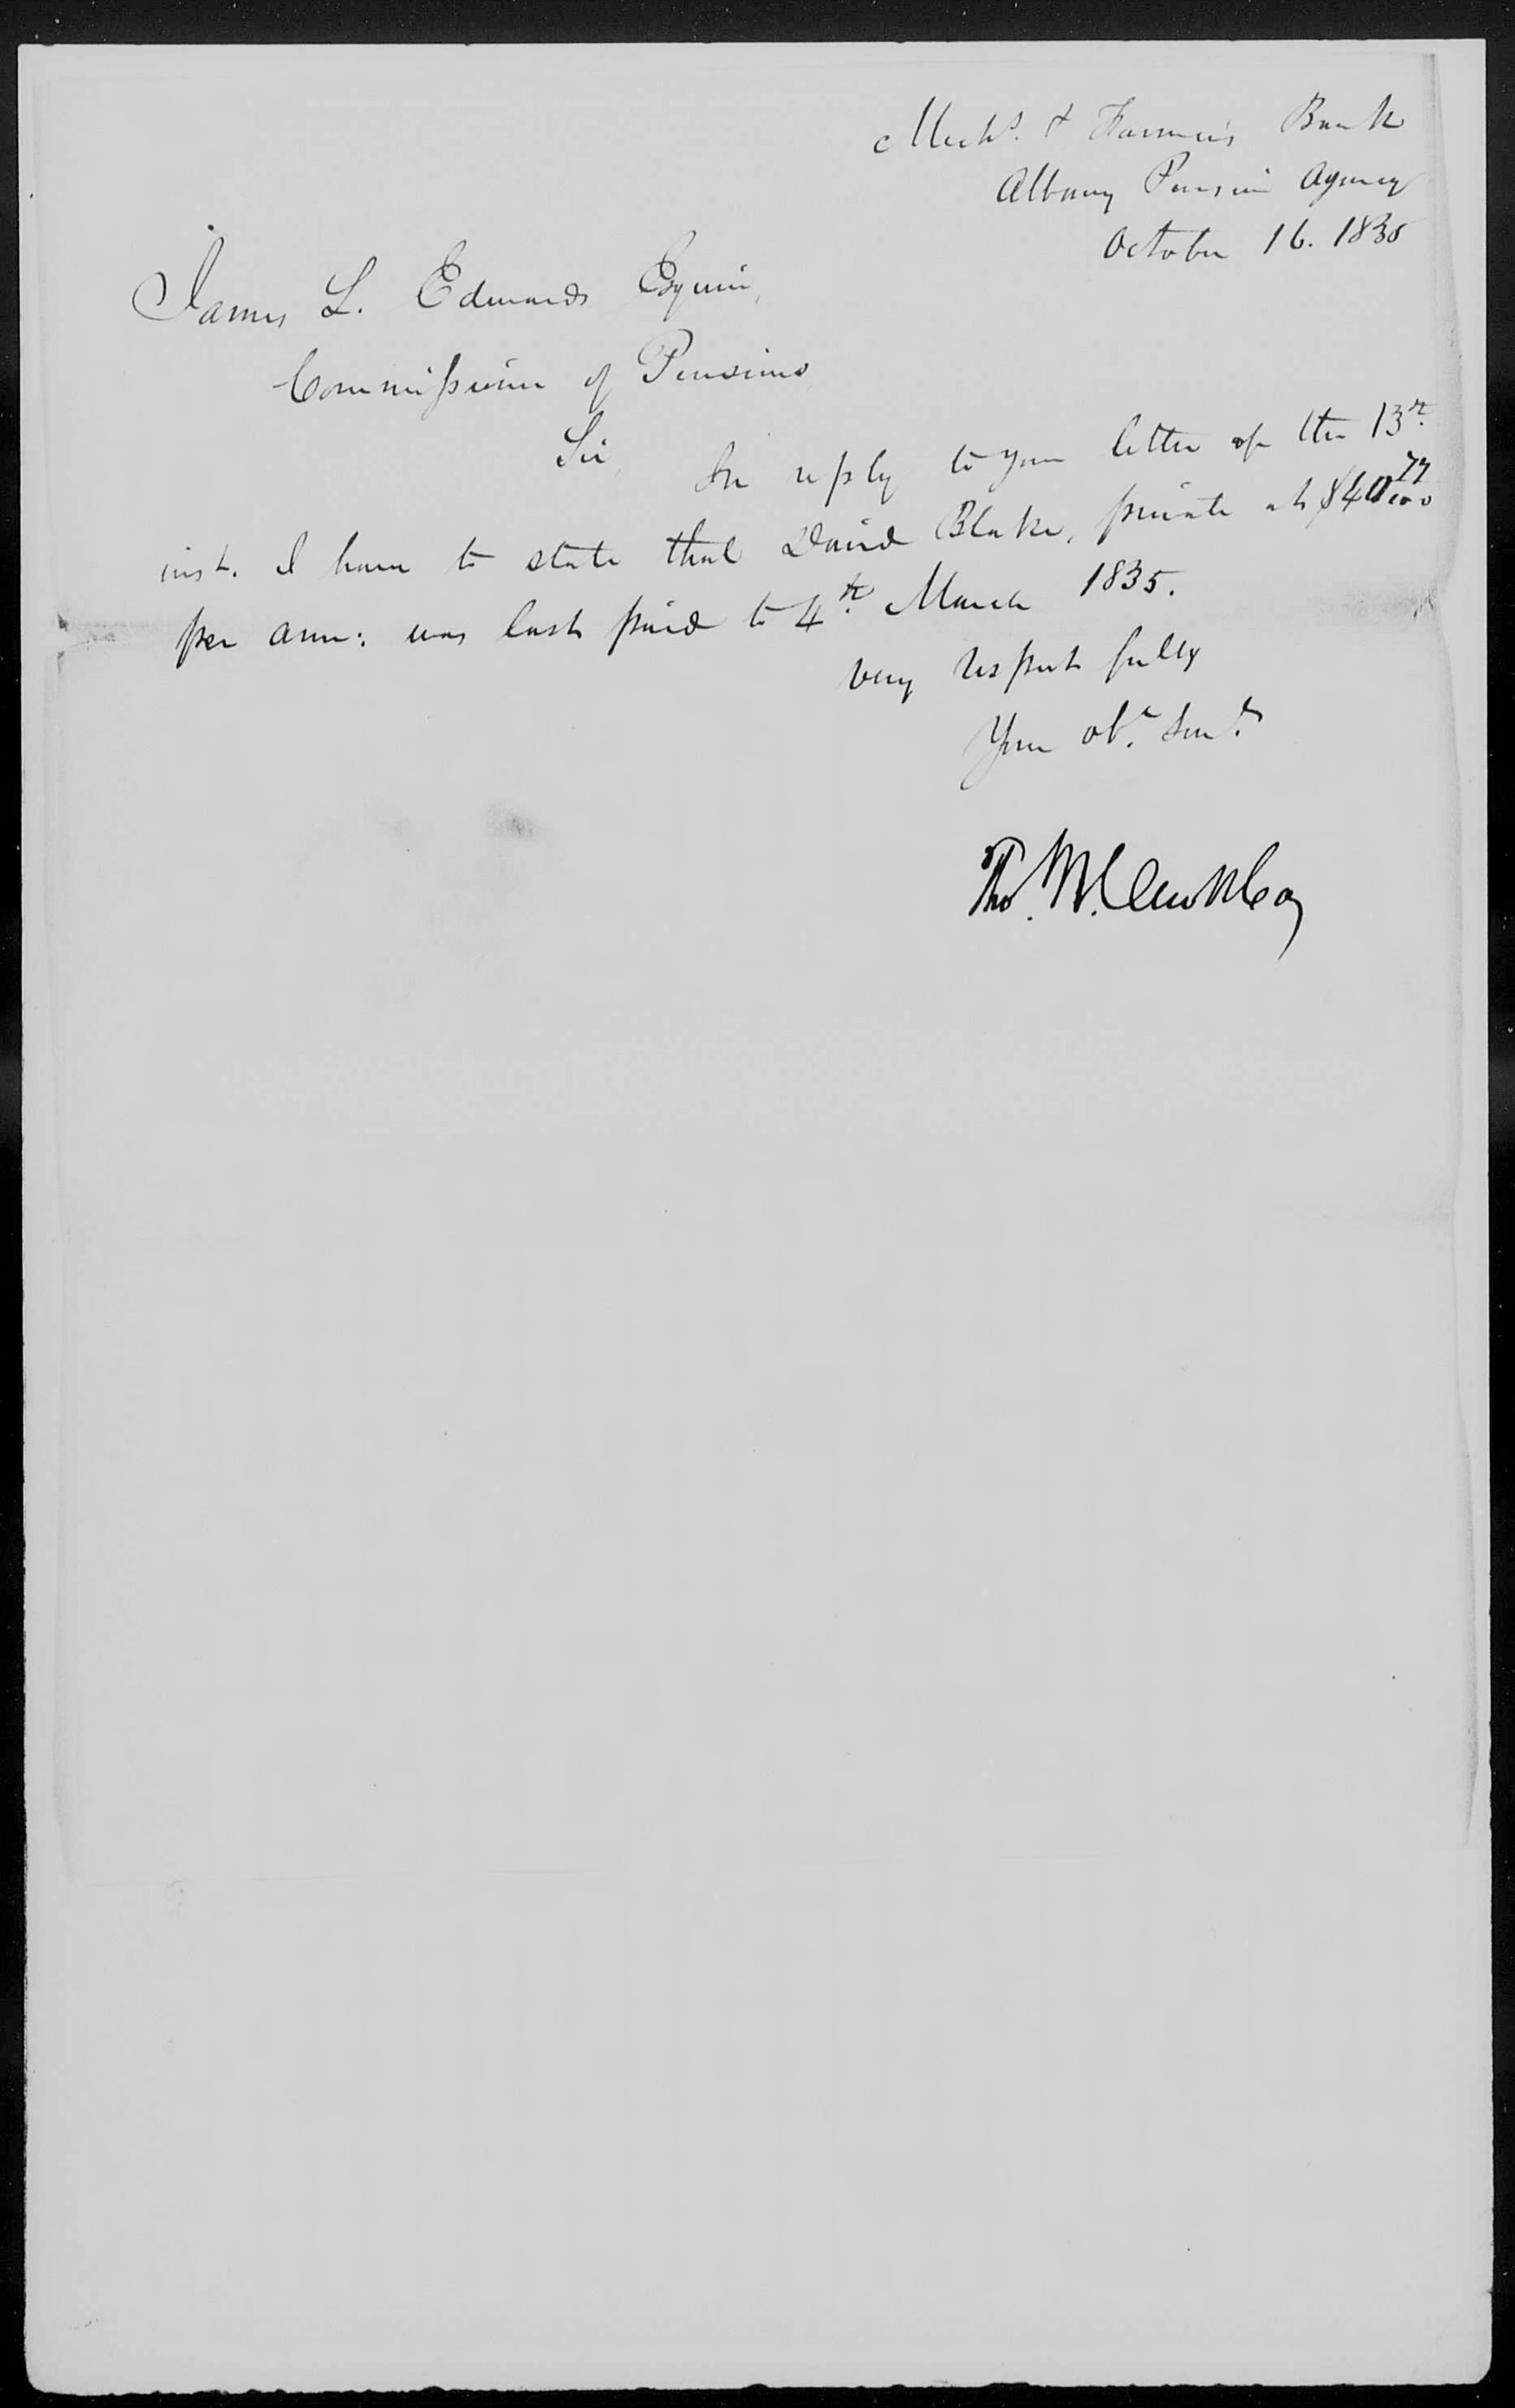Mich & Farmers Bank
Albany Pension Agency
October 16. 1838
James L. Edwards Esquir
Commissioner of Pensions
Sir In reply to your
letter of the 13th
first. I have to state that David Blake, private at $40.77
per ann: was last paid to 4th March 1835.
very respect fully
your [illegible]
Tho. M. Clewnleg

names: Francis, James L Edwards, David Blake, Thos H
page: 15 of 21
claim: survivor's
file: S. 23,128, David Blake, Conn.